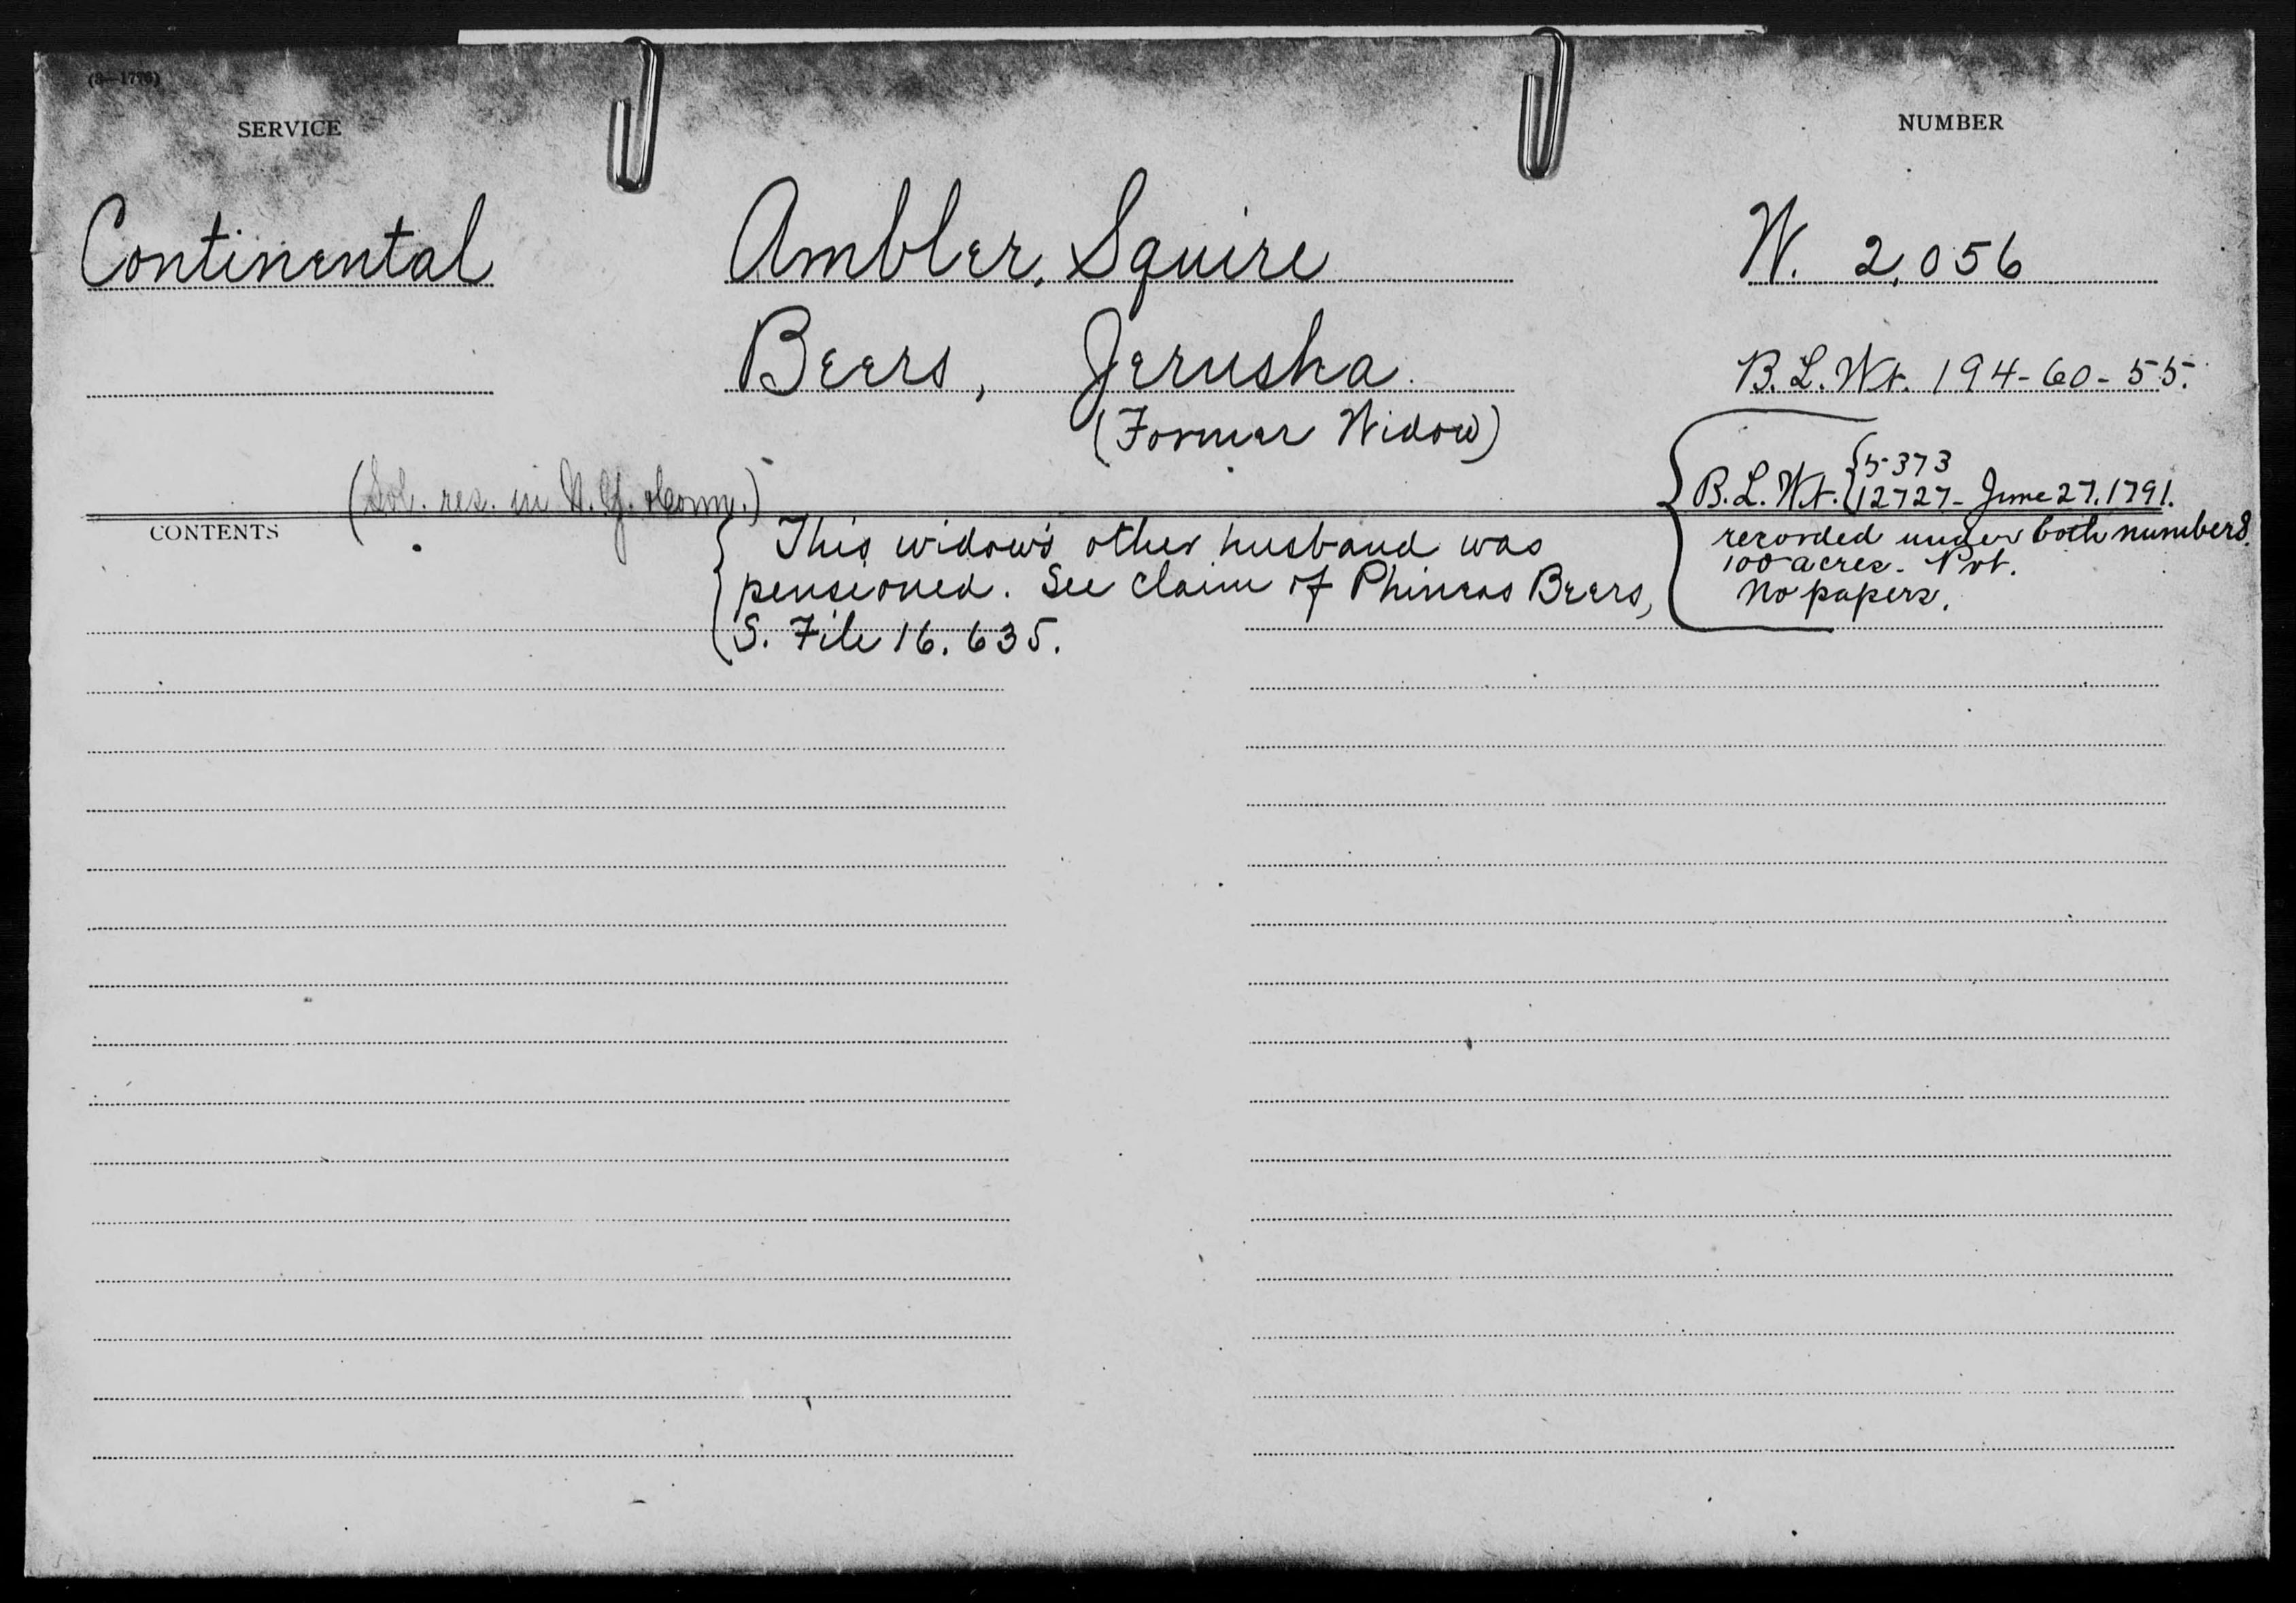Service 
Continental | Ambler, Squire 
Number W. 2,056
 Beers, Jerusha | B.L.Wt. 194-60-55.
 (Former Widow) 
(Sol. res. in N.Y. Com) {B.L.Wt. {5-373
12727- June 27, 1791.
recorded under both numbers
100 acres. Pvt.
No papers.
{This widow's other husband was pensioned. See claim of Phineas Beers, S. File 16.635.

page: 1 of 39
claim: widow's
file: W. 2,056, Squire Ambler, Continental (Sol. Res. In N.Y. & Conn.)